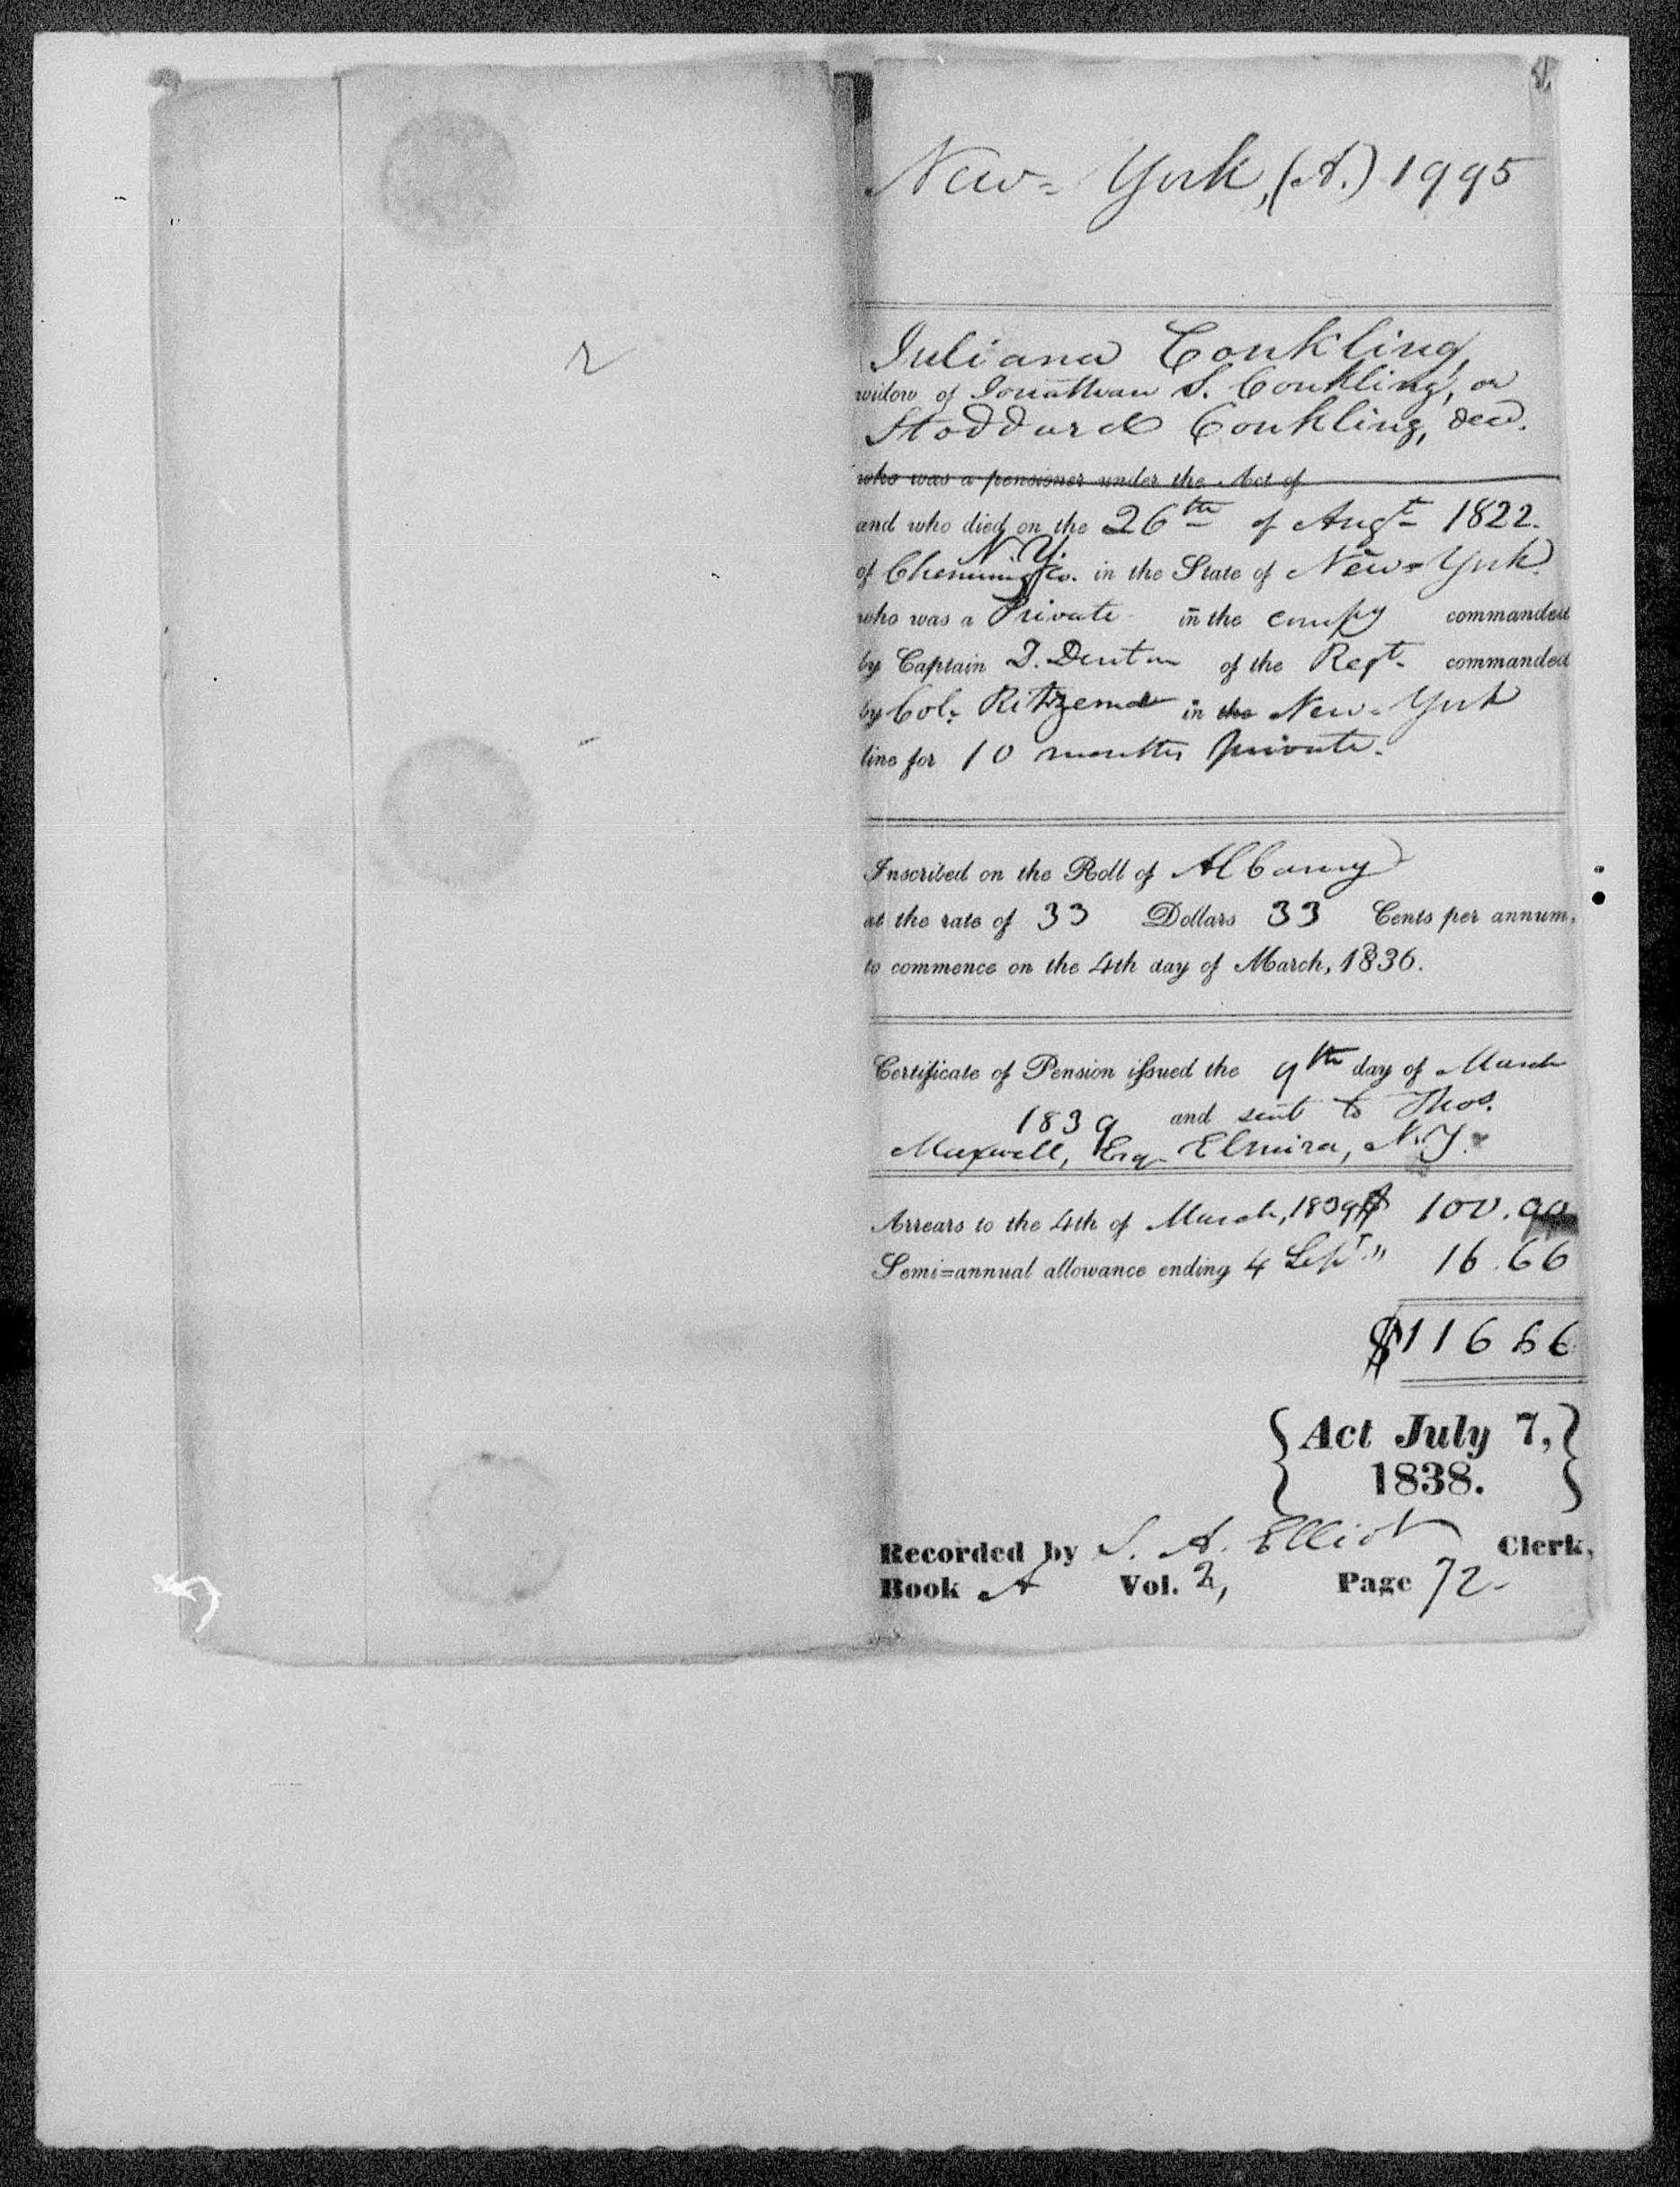New York (A.) 1995
Juliana Conkling, widow of Jonathan S. Conkling or Stoddard Conkling, Decd.
and who died on the 26th of Augt, 1822. of Chemung Co, in the State of New York who was a Private in the compy commanded by Captain D. Denton of the Regt. Commanded by Col. Ritzeman in New York line for 10 months private.
Certificate of Pension issued the 9th day of March 1839 and sent to Thos. Maxwell, Esq Elmira, N.Y.
Arrears to the 4th of March, 1839     $100.99
Semi=annual allowance ending 4 Sept 16.66
                                                            $116.66
{Act July 7, 1838. }
 Recorded by S.A. Elliot clerk, 
Book A  Vol 2,   Page 72.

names: Jonathan S Conkling, Stoddard Conkling, Ritzema, S A Elliot, Thos Maxwell, Juliana Conkling, D Denton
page: 2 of 18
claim: widow's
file: W. 18,939, Jonathan S Conkling, New York